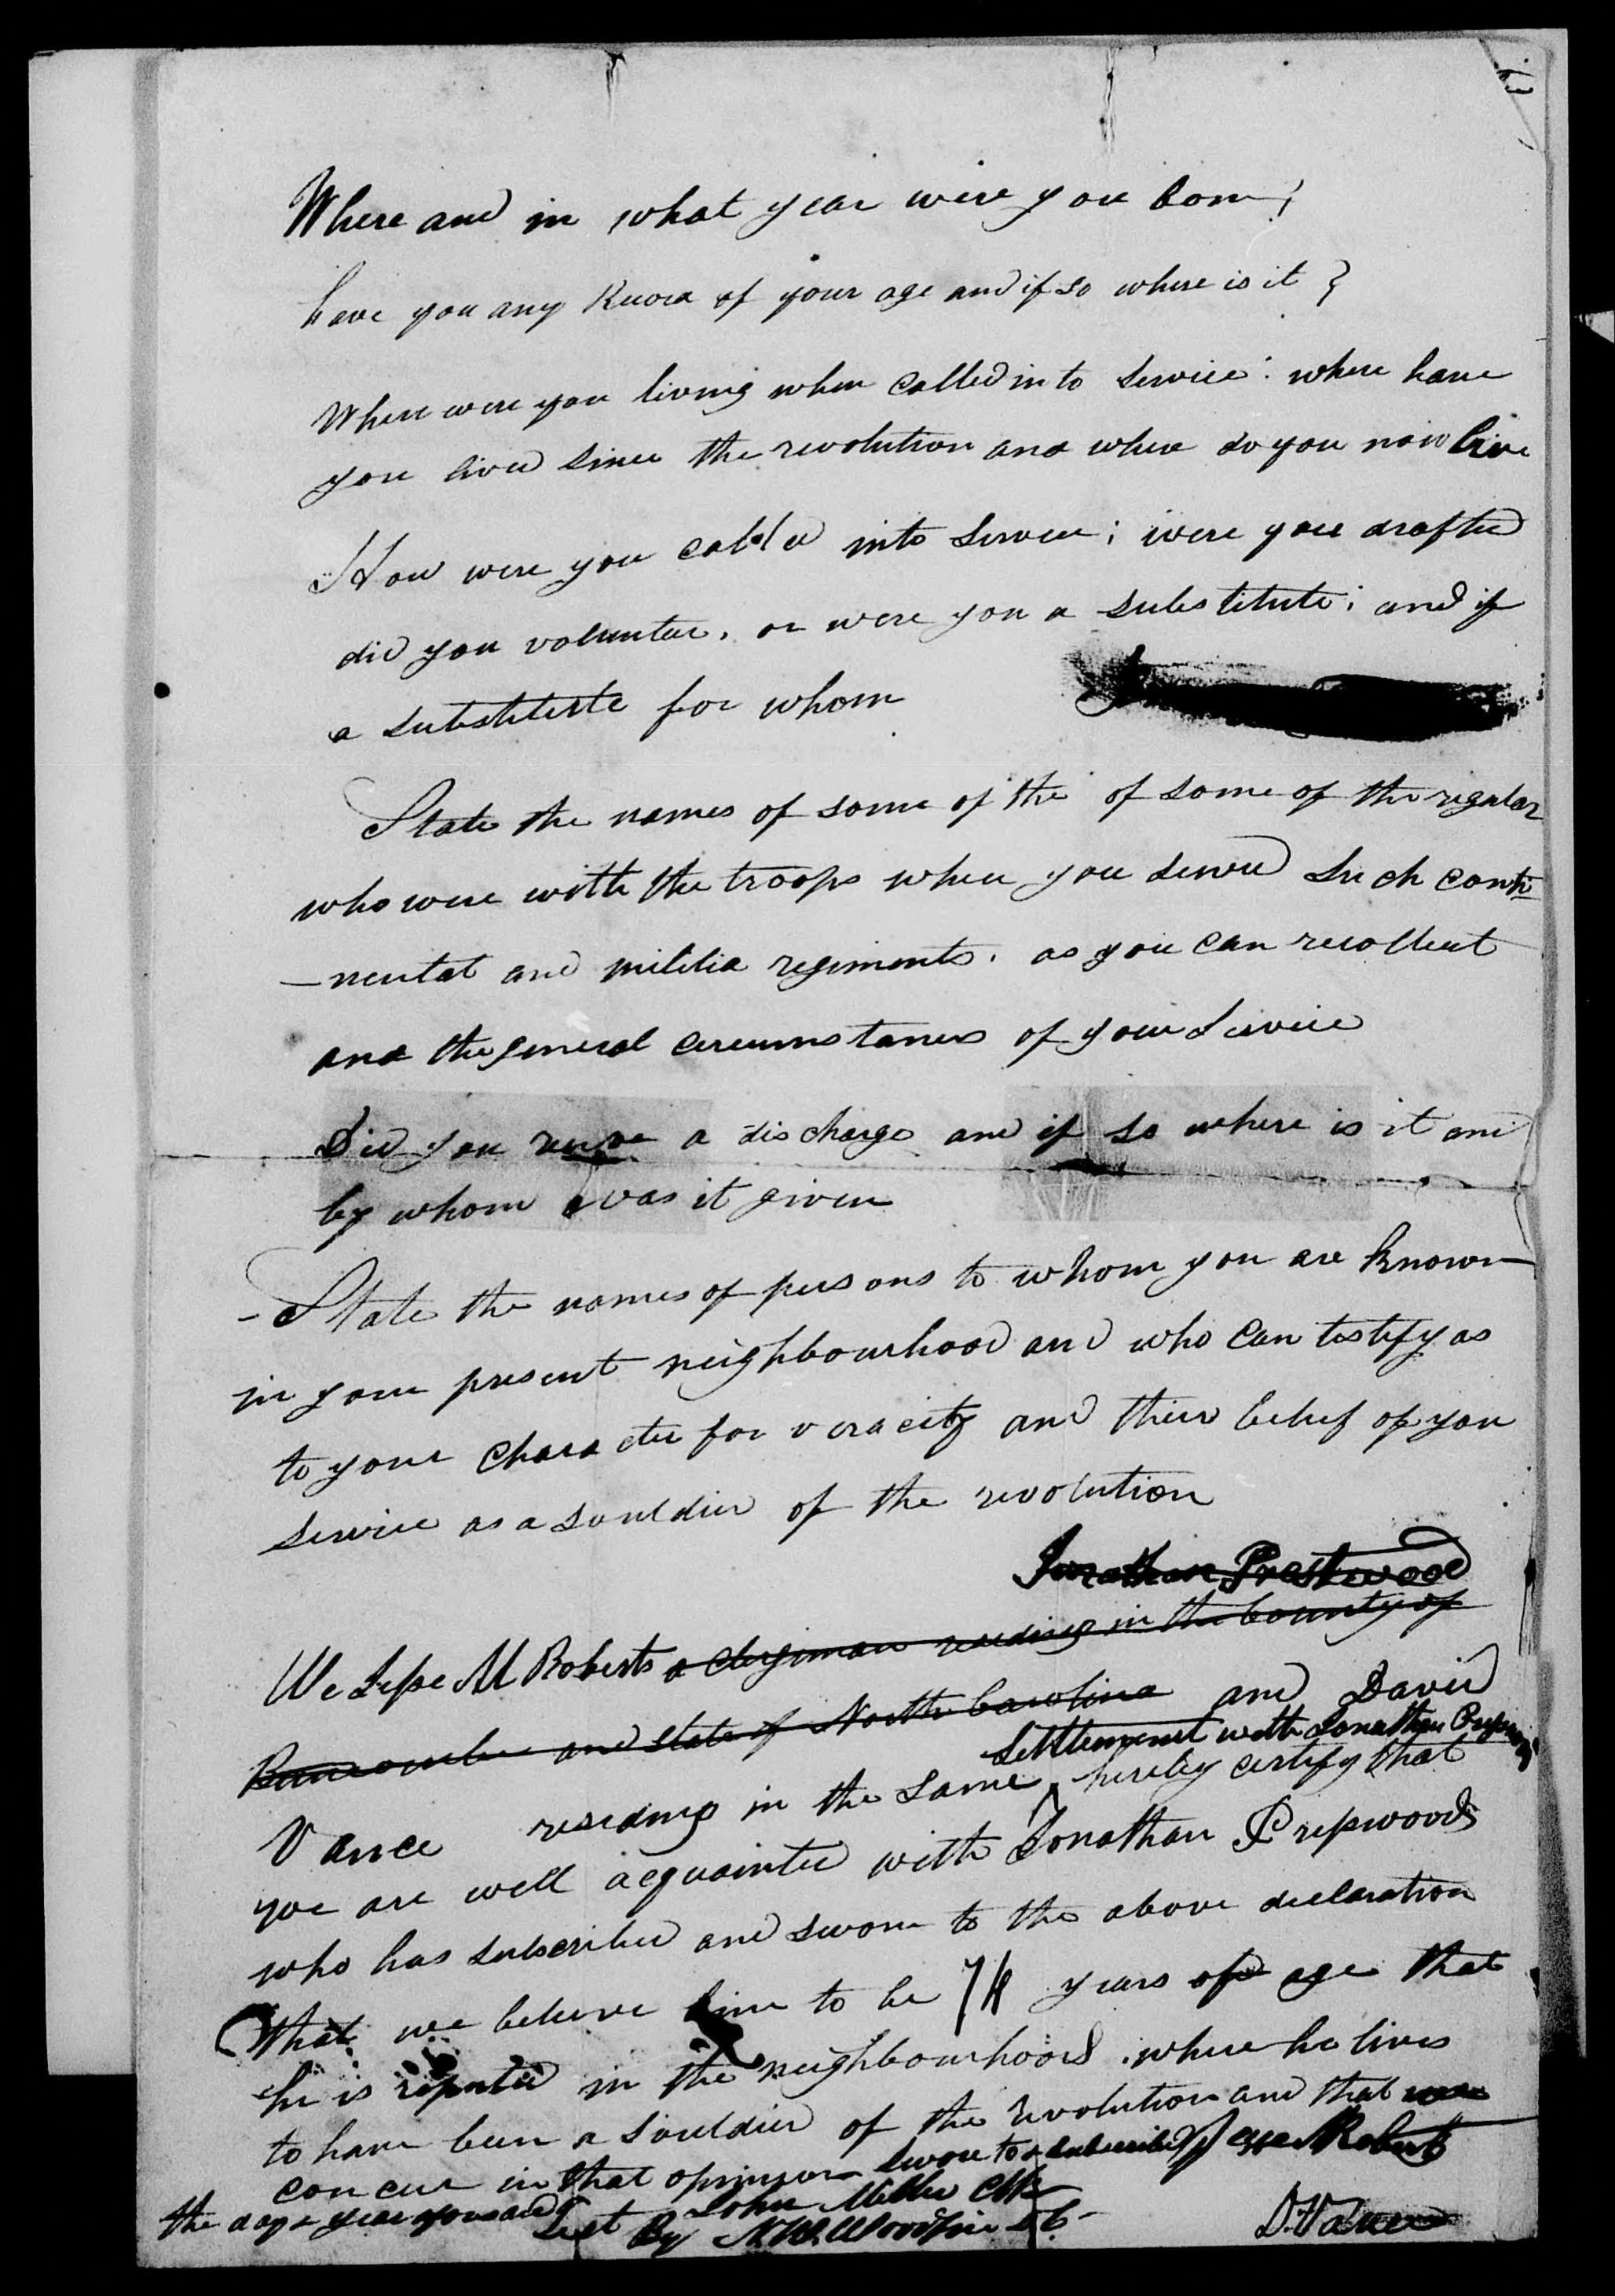Where and in what year were you born?
have you any Record of your age and if so where is it?
Where were you living when called into service where have you lived since the revolution and where do you now live?
How were you called into service; were you drafted, did you volunteer, or were you a substitute, and if substitute for whom?
State the names of some of the of some of the regular who were with the troops when you served such Continental and militia regiments as you can recollect and the general circumstances of your service?
Did you receive a discharge and if so where is it and by whom was it given?
State the names of persons to whom you are known in your present neighbourhood and who can testify as to your character for veracity and their belief of your service as a soldier of the revolution

We Jesse M Roberts and David Vance residing in the same Settlement with Jonathan Prestwood  hereby certify that we are well acquainted with Jonathan Prestwood who has subscribed and sworn to the above declaration that we believe him to be 74 years of age that he is reputed in the neighbourhood where he lives to have been a soldier of the revolution and that the concur in that opinion.
[signed]
Jesse Roberts
D. Vance

Sworn to and subscribed the day year aforesaid 
John Miller Clerk
Test by N.B. Woodfin SC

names: Jonathan Prestwood; Jesse M Roberts; N W Woodfin; John Miller; David Vance; Jonathan Presswood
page: 7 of 13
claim: survivor's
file: S. 8,977, for Jonathan Prestwood, South Carolina